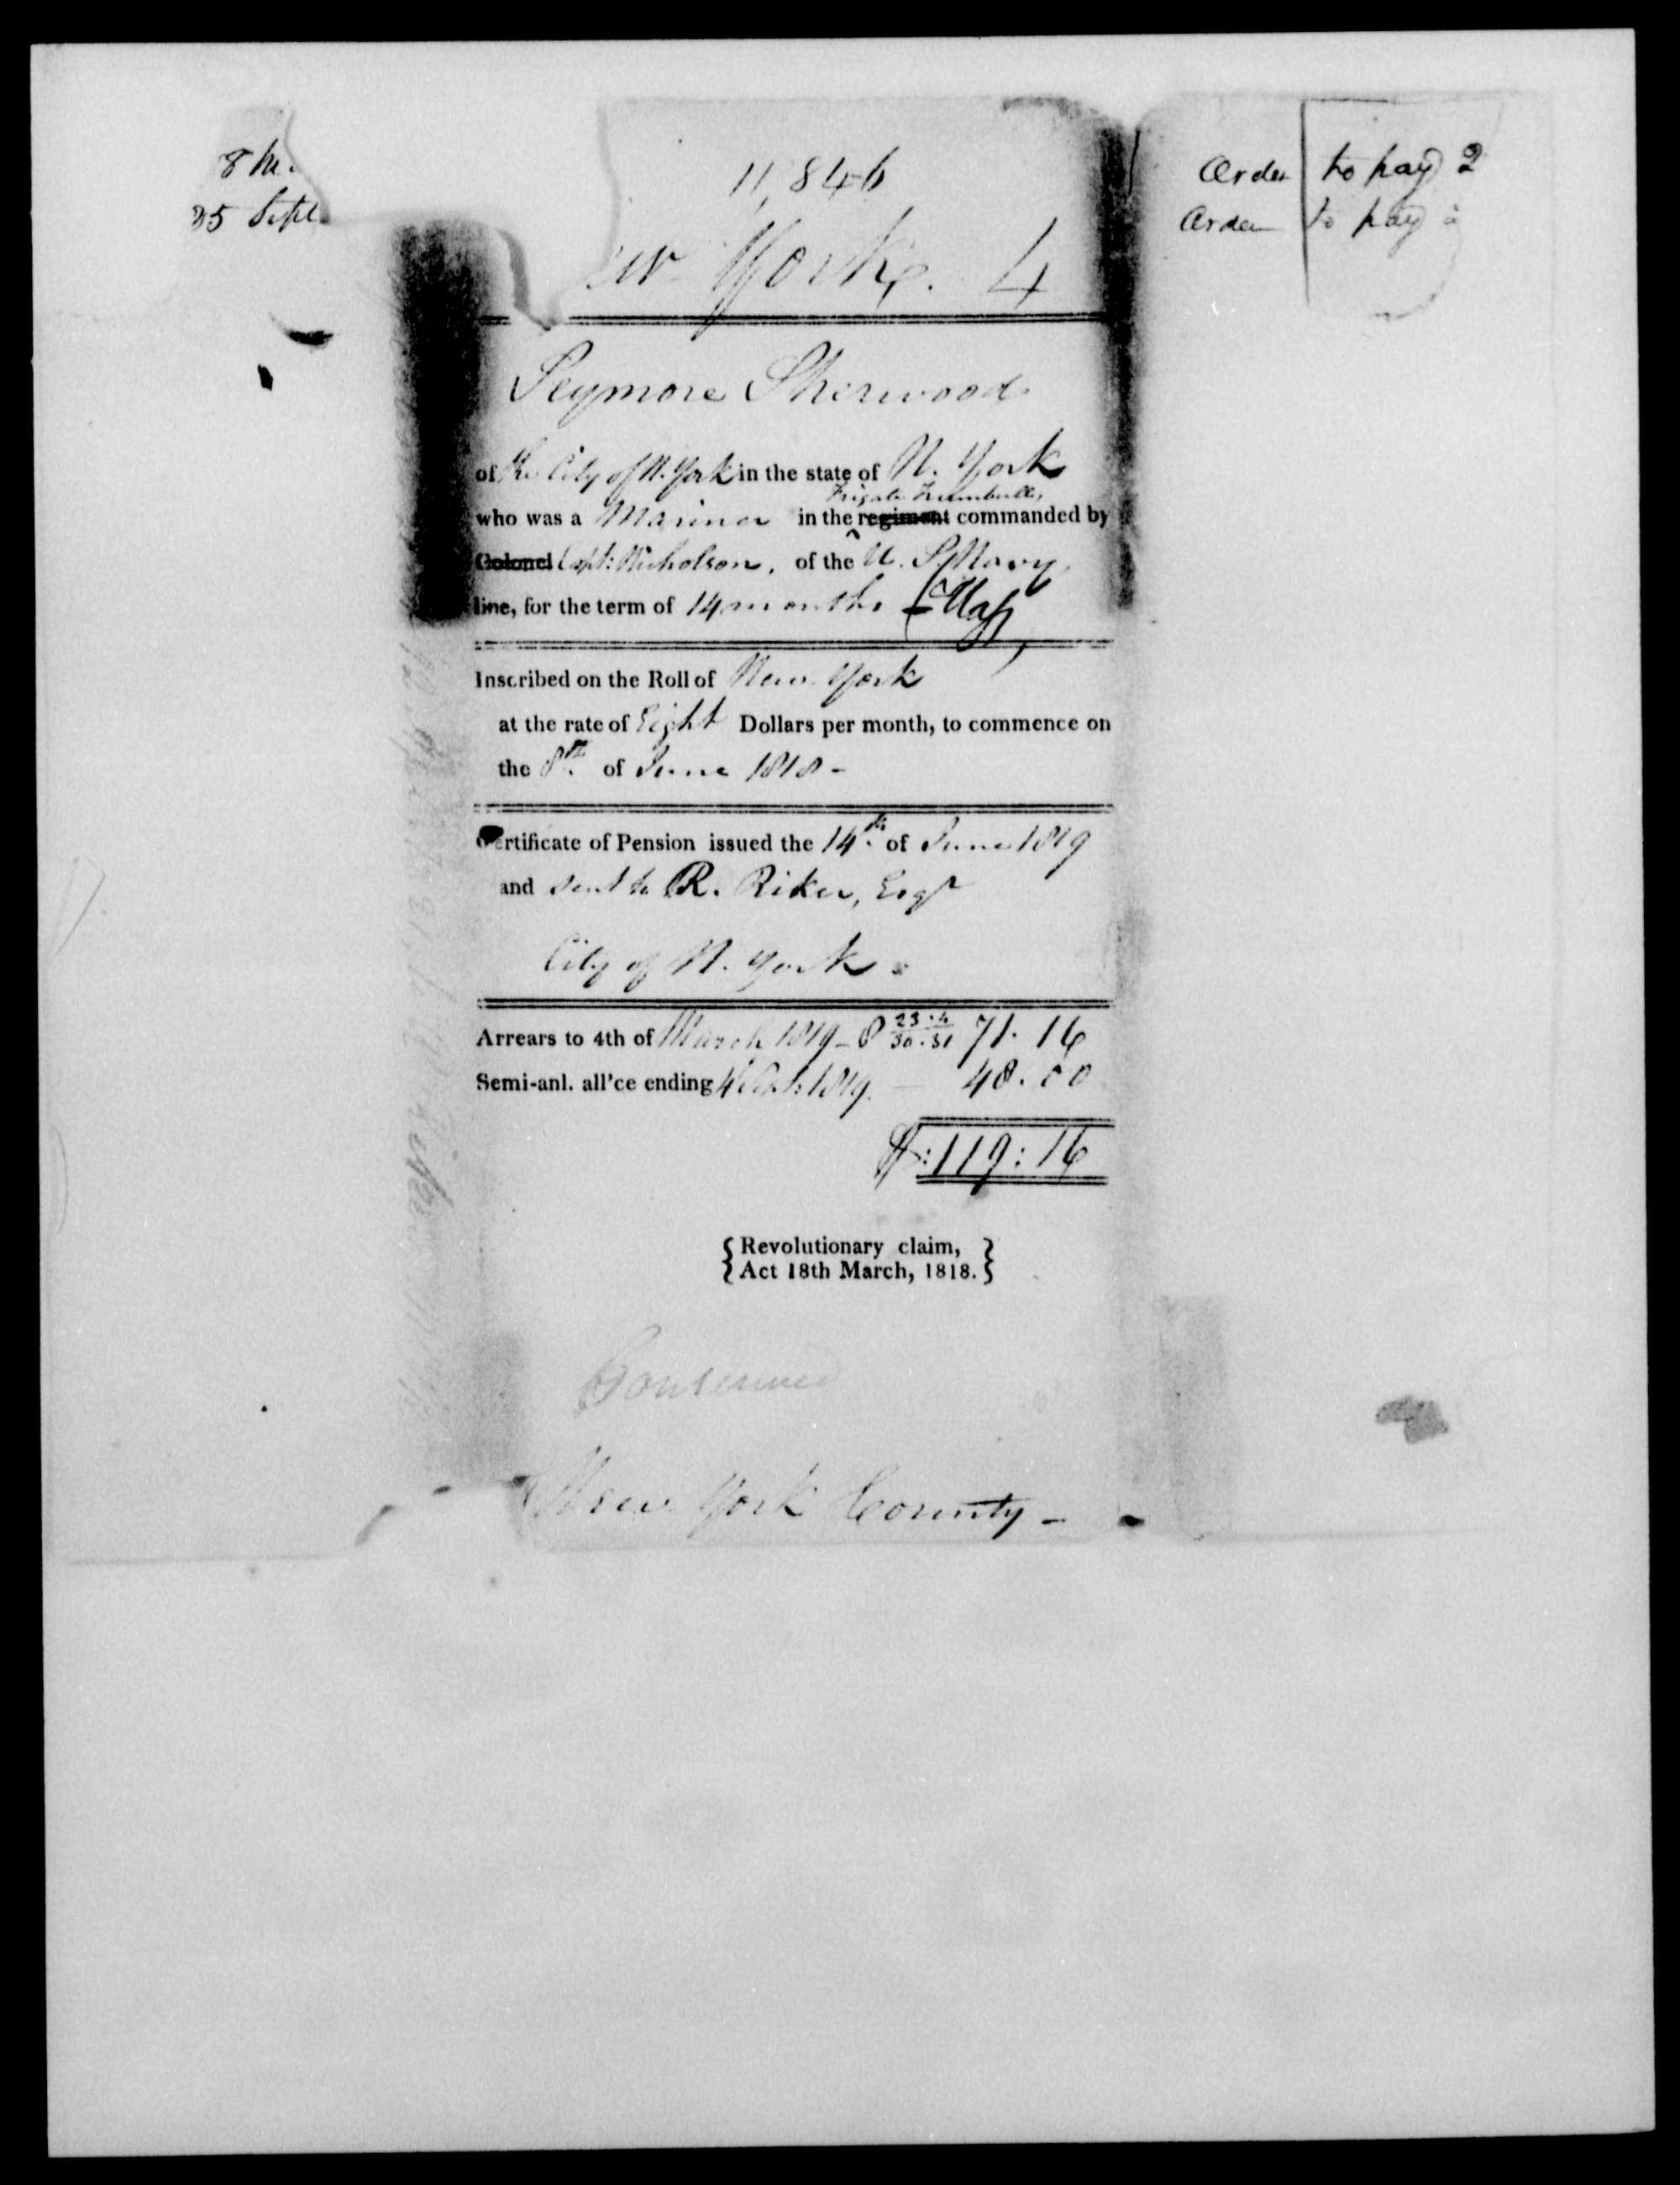11846

New York 

Seymore Sherwood

of the City of New York in the state of New York
who was a Mariner in the Frigate Trumbull commanded by
Capt. Nicholson of the U.S. Navy (Mass.)
line, for the term of 4 months

Inscribed on the Roll of New York
at the rate of Eight Dollars per month, to commence on the 8th of June 1818.


Certificate of Pension issued the 14th of June 1819 and sent to R. Riker Esquire

City of New York

Arrears to 4th of March 1819  71.16
Semi-anl. all'ce ending 4 Sept. 1819   48.00

$119.16


{Revolutionary claim,}
{Act 18th March, 1818.}

Continued

New York County

Order to pay 2
Order to pay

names: [BLANK] Nicholson; R Riker; Seymore Sherwood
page: 2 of 30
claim: survivor's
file: S. 42289, for Seymore Sherwood, Connecticut